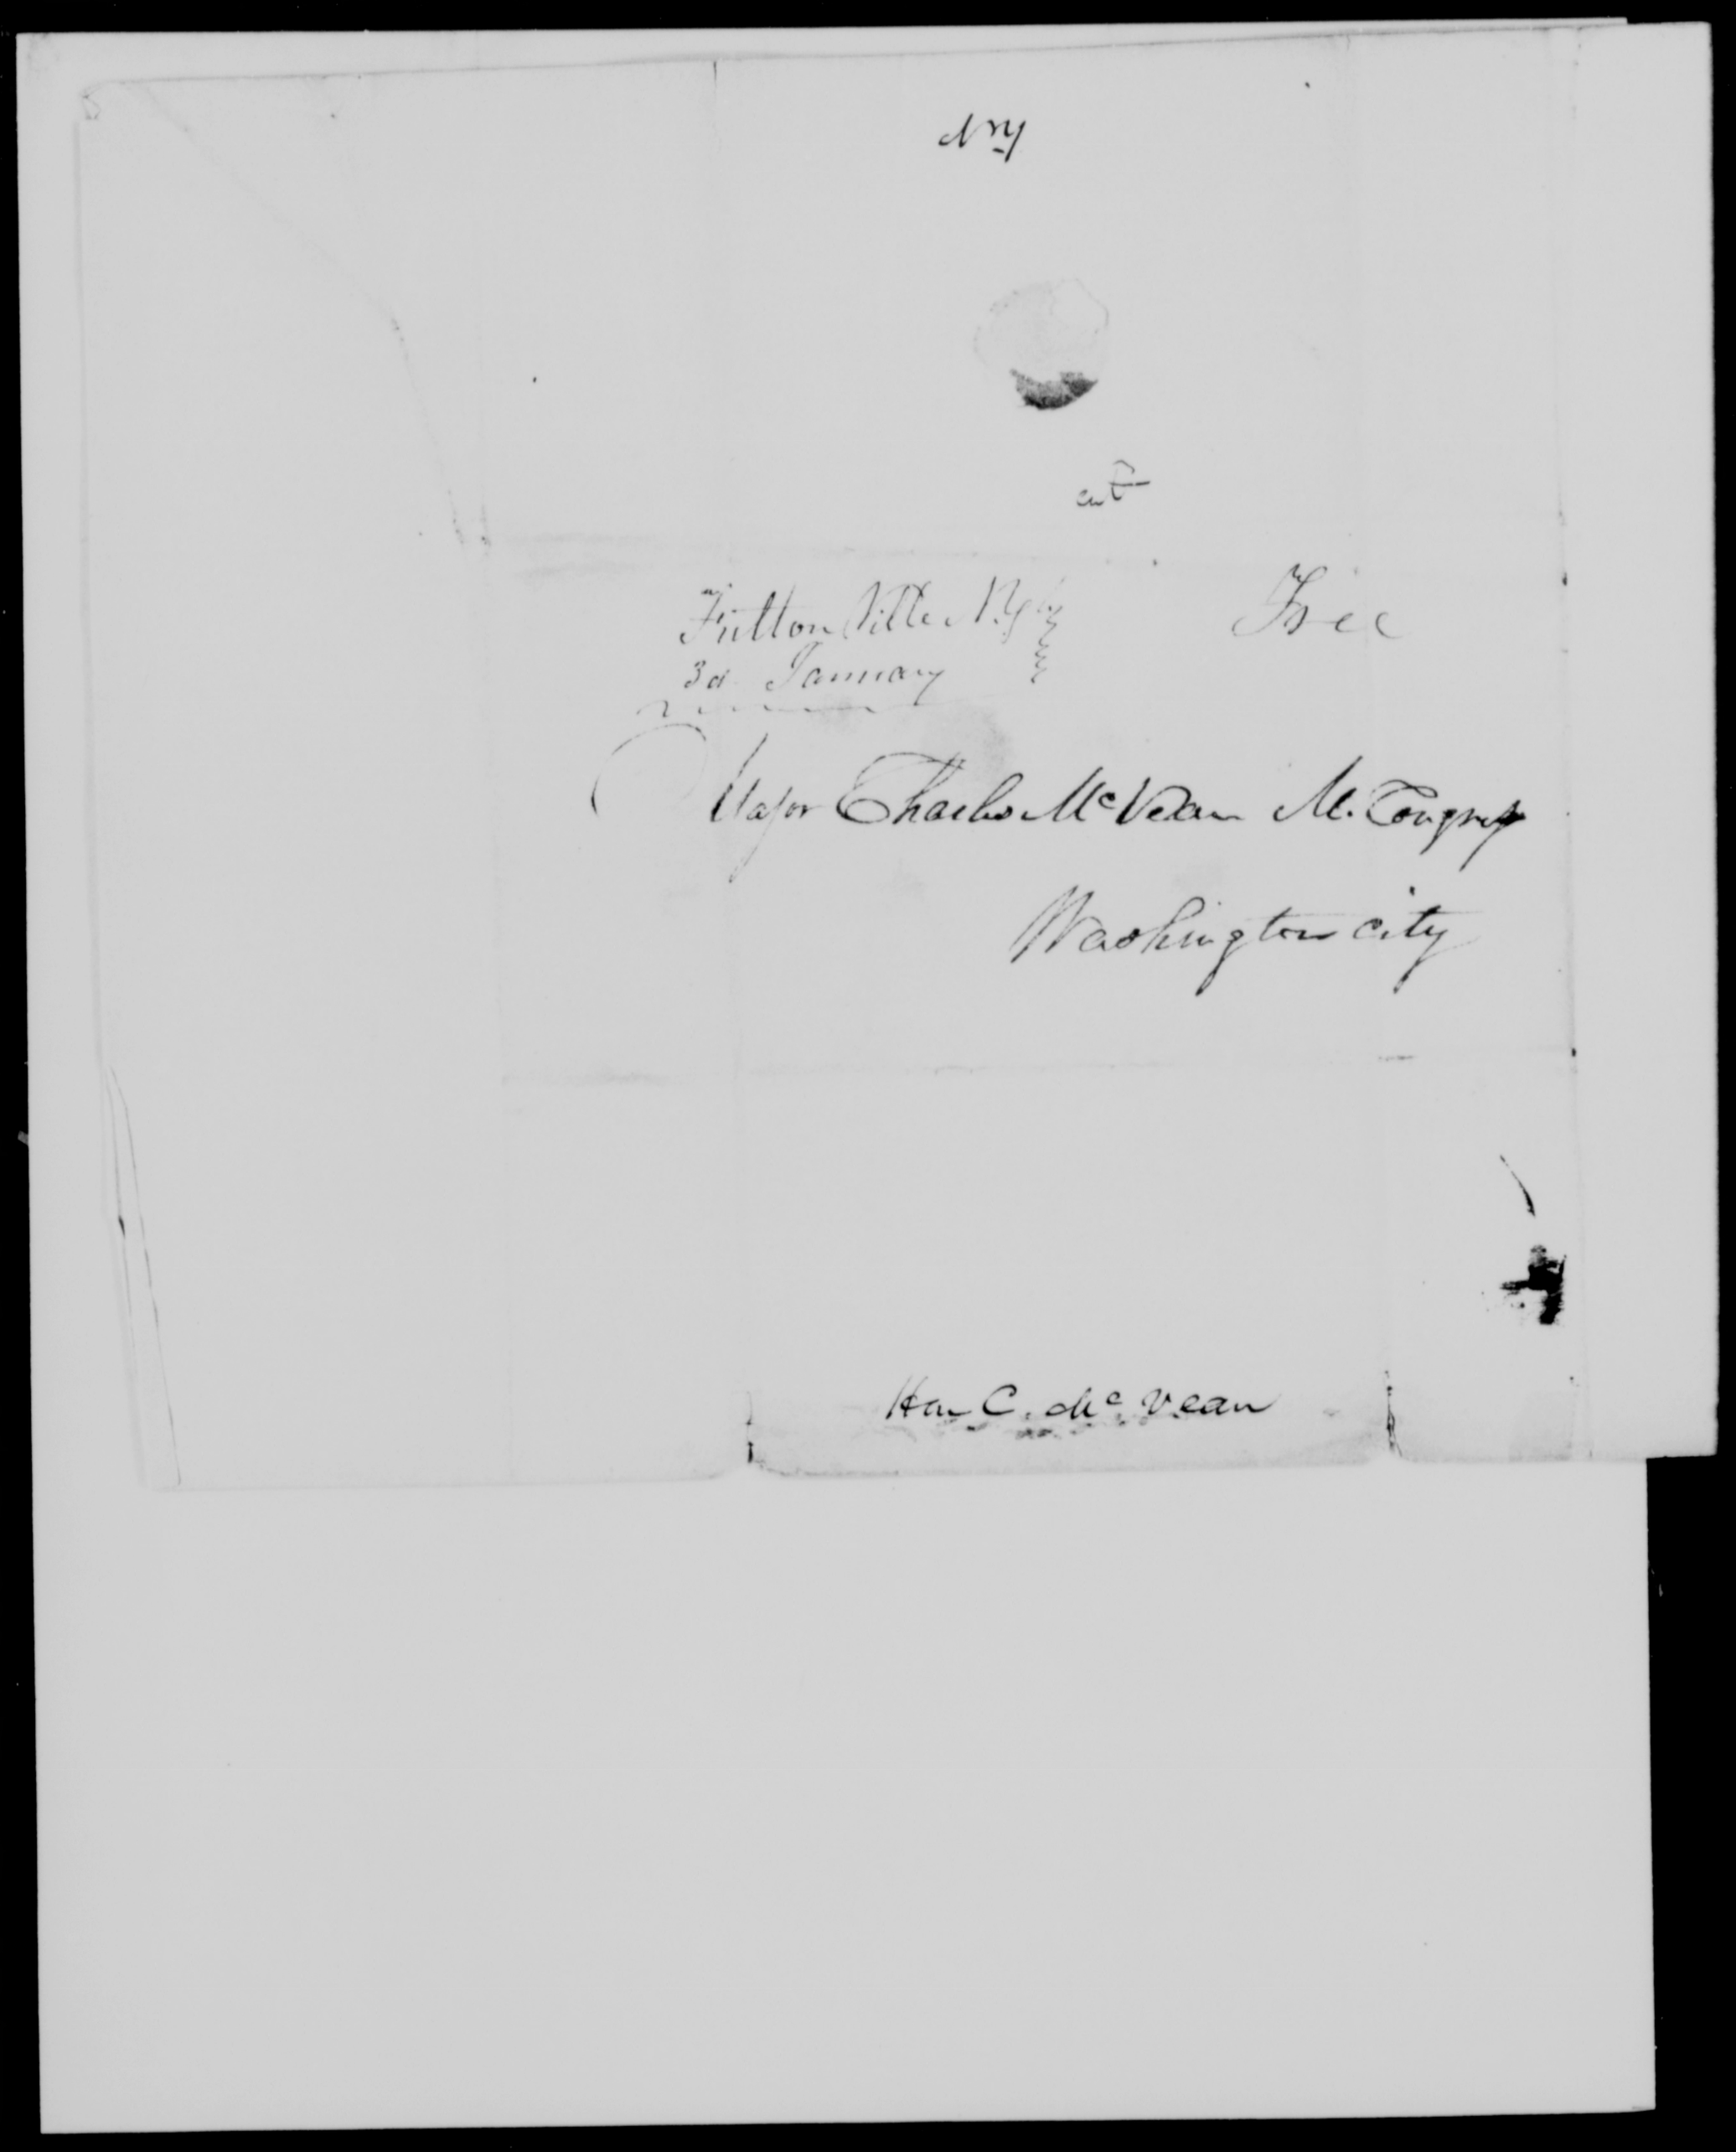Mr
at
Fulton Ville NY
Free
3rd of January
for Charles McVean M. Congress
Washington City
Hon C. McLean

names: Charles Mc Vean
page: 50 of 67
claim: widow's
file: W. 7379, George Young, New Jersey